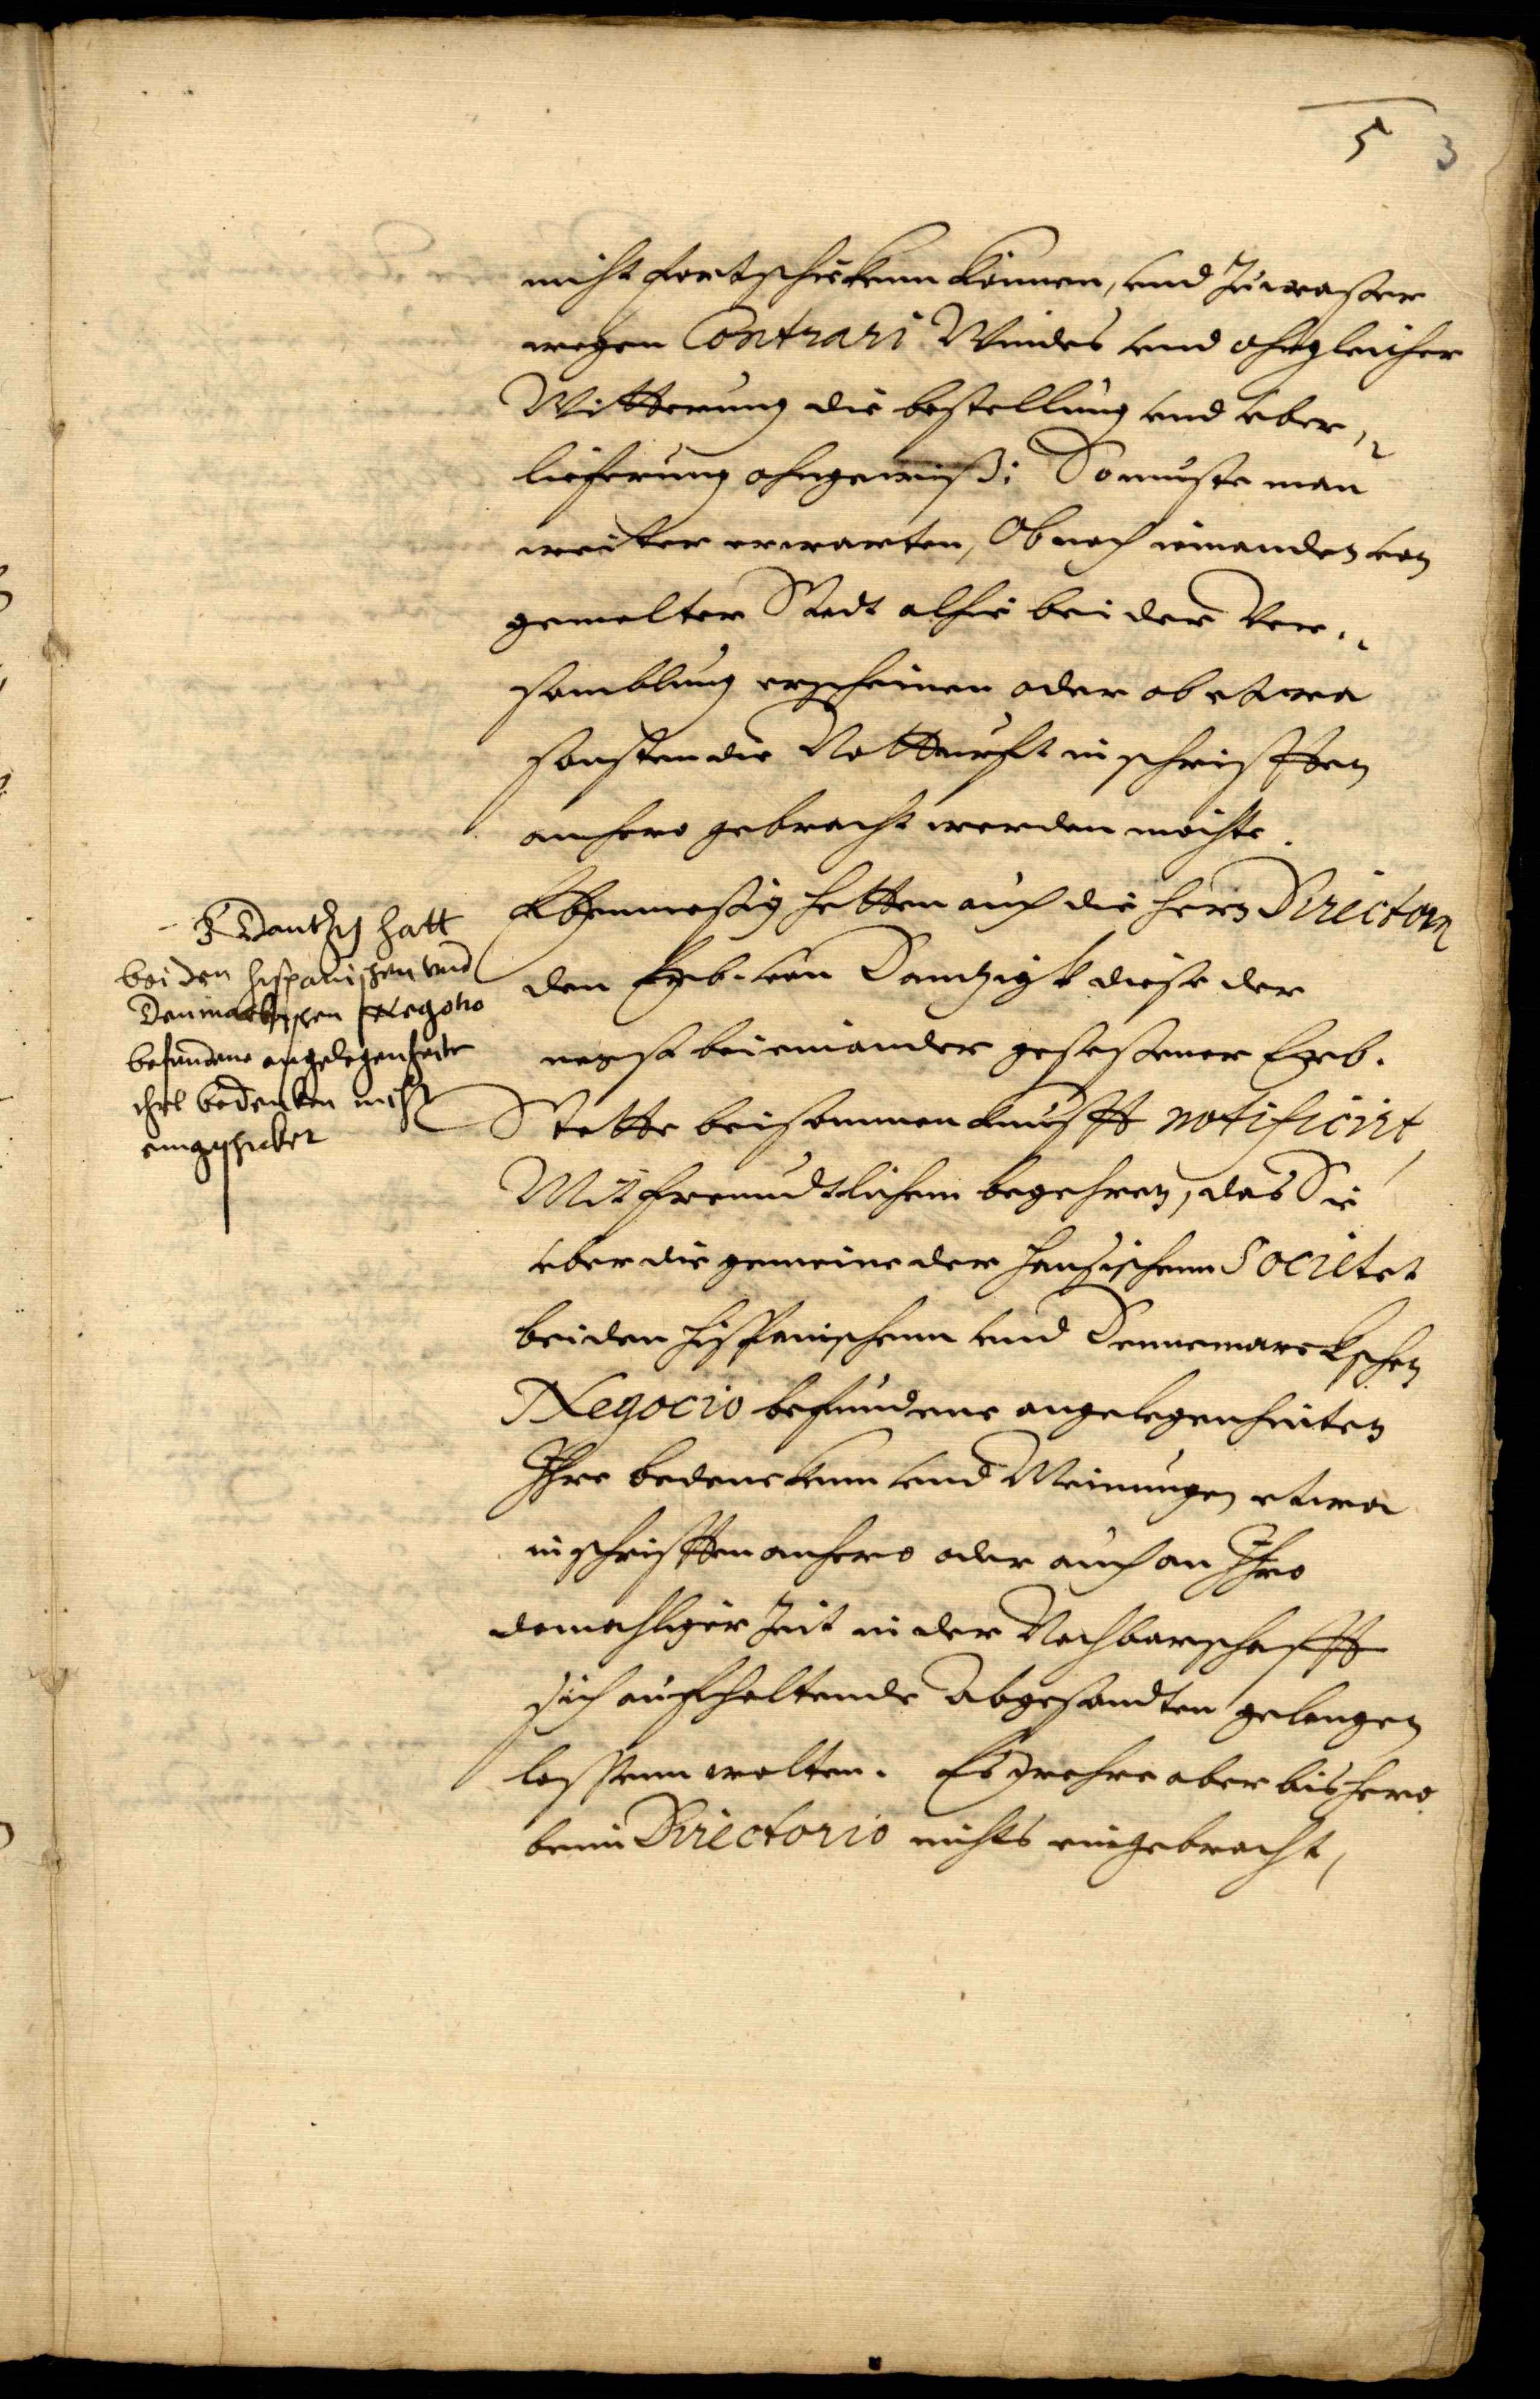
5
3 Dantzig hatt
bei den hispanischen vn
Denmarkishen Negotio
befundene angelegenheit
ihre bedenken mitt
eingeshicket
nicht fortschickenn können, vnd zu waßer
wegen Contrari Windes vnd ohngleicher
Witterung die bestellung vnd vber¬
lieferung ohngewiß: So muste man
weiter erwarten, Ob noch iemanden von
gemelter Stadt alhie bei der Ver¬
samblung erscheinen oder ob etwa
sonsten die Notturft in schrifften
anhero gebracht werden möchte.
Ebenmeßig hetten auch die hern Directorn
den Erb. von Dantzigk diese der
negst beieinander geseßener Erb.
Stette beisammen kunfft notificirt,
Mit freundtlichem begehren, das Sie
vber die gemeine der hansischenn Societet
bei den hispanischenn vnd Dennemarckschen
Negocio befundene angelegenheiten
Ihre bedenckenn vnd Meinungen etwa
in schrifften anhero oder auch an Ihro
damahliger zeit in der Nachbarschafft
sich aufhaltende Abgesandten gelangen
lassenn wolten. Es wehre aber bis hero
beim Directorio nichts eingebracht,
